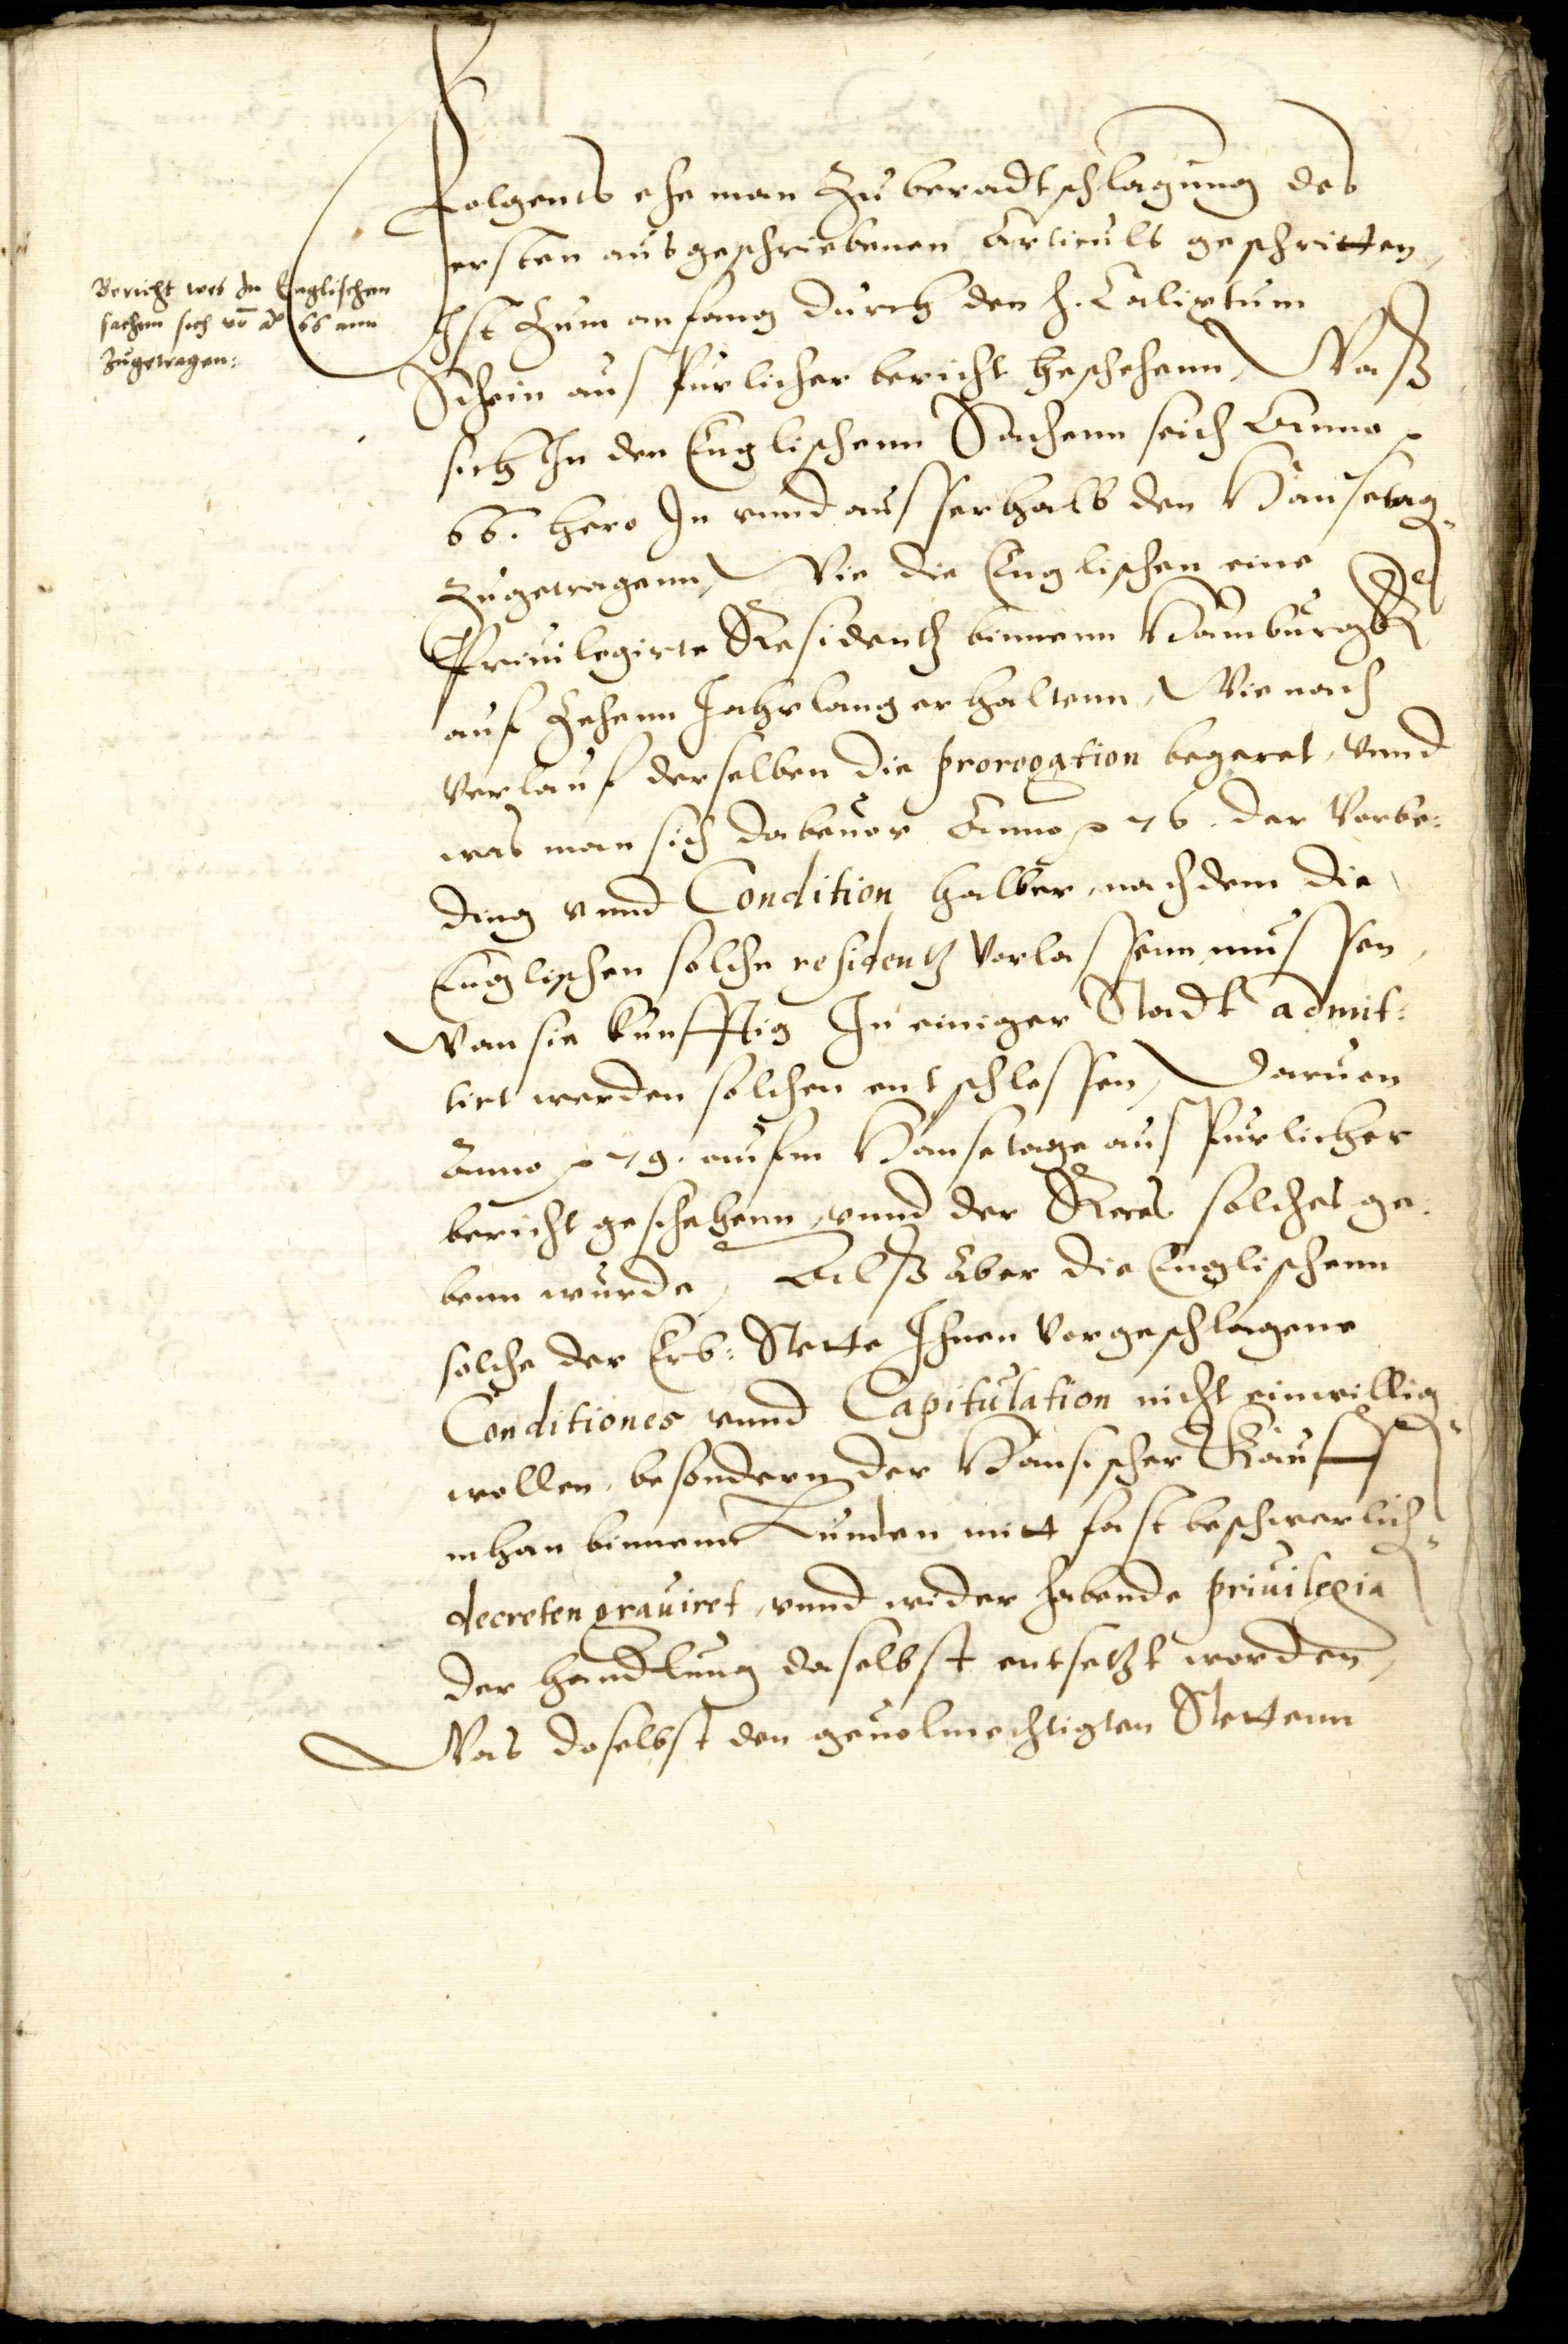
Bericht wes Jn Englischen
sachen sich von Ao 66 ann
zugetragen:
Folgents ehe man zu beradtschlagung des
ersten ausgeschriebenen Articuls geschritten,
Jst zum anfang durch den h. Calixtum
Schein ausfurlicher bericht geschehenn, Waß
sich Jn den Englischenn Sachenn seith Anno p
66 . hero Jn vnnd ausserhalb den Hansetagen
zugetragenn, Wie die Englischen eine
Priuilegirte Residentz binnenn Hamburgk
auf zehenn Jahrlang erhaltenn, wie nach
verlauf derselben die prorogation begeret, vnnd
was man sich dabeuor Anno p 76 dar vorbe¬
ding vnnd Condition halber, nachdem die
Englischen solche residentz vorlassenn mussen,
wan sie kunfftig Jn einiger Stadt admit¬
tirt werden solthen entschlossen, Daruon
anno p 79. aufm Hansetage ausfurlicher
bericht geschehenn vnnd der Reces solches ge¬
benn wurde, Alß aber die Englischenn
solche der Erb: Stette Jhnen vorgeschlagene
Conditiones vnnd Capitulation nicht einwilligen
wollen, besondern der Hansischer Kauff
mhan binnenn Lunden mitt fast beschwerlichen
decreten grauiret vnnd wider habende priuilegia
der handlung daselbst entsetzt worden,
Was daselbst den geuolmechtigten Stettenn
